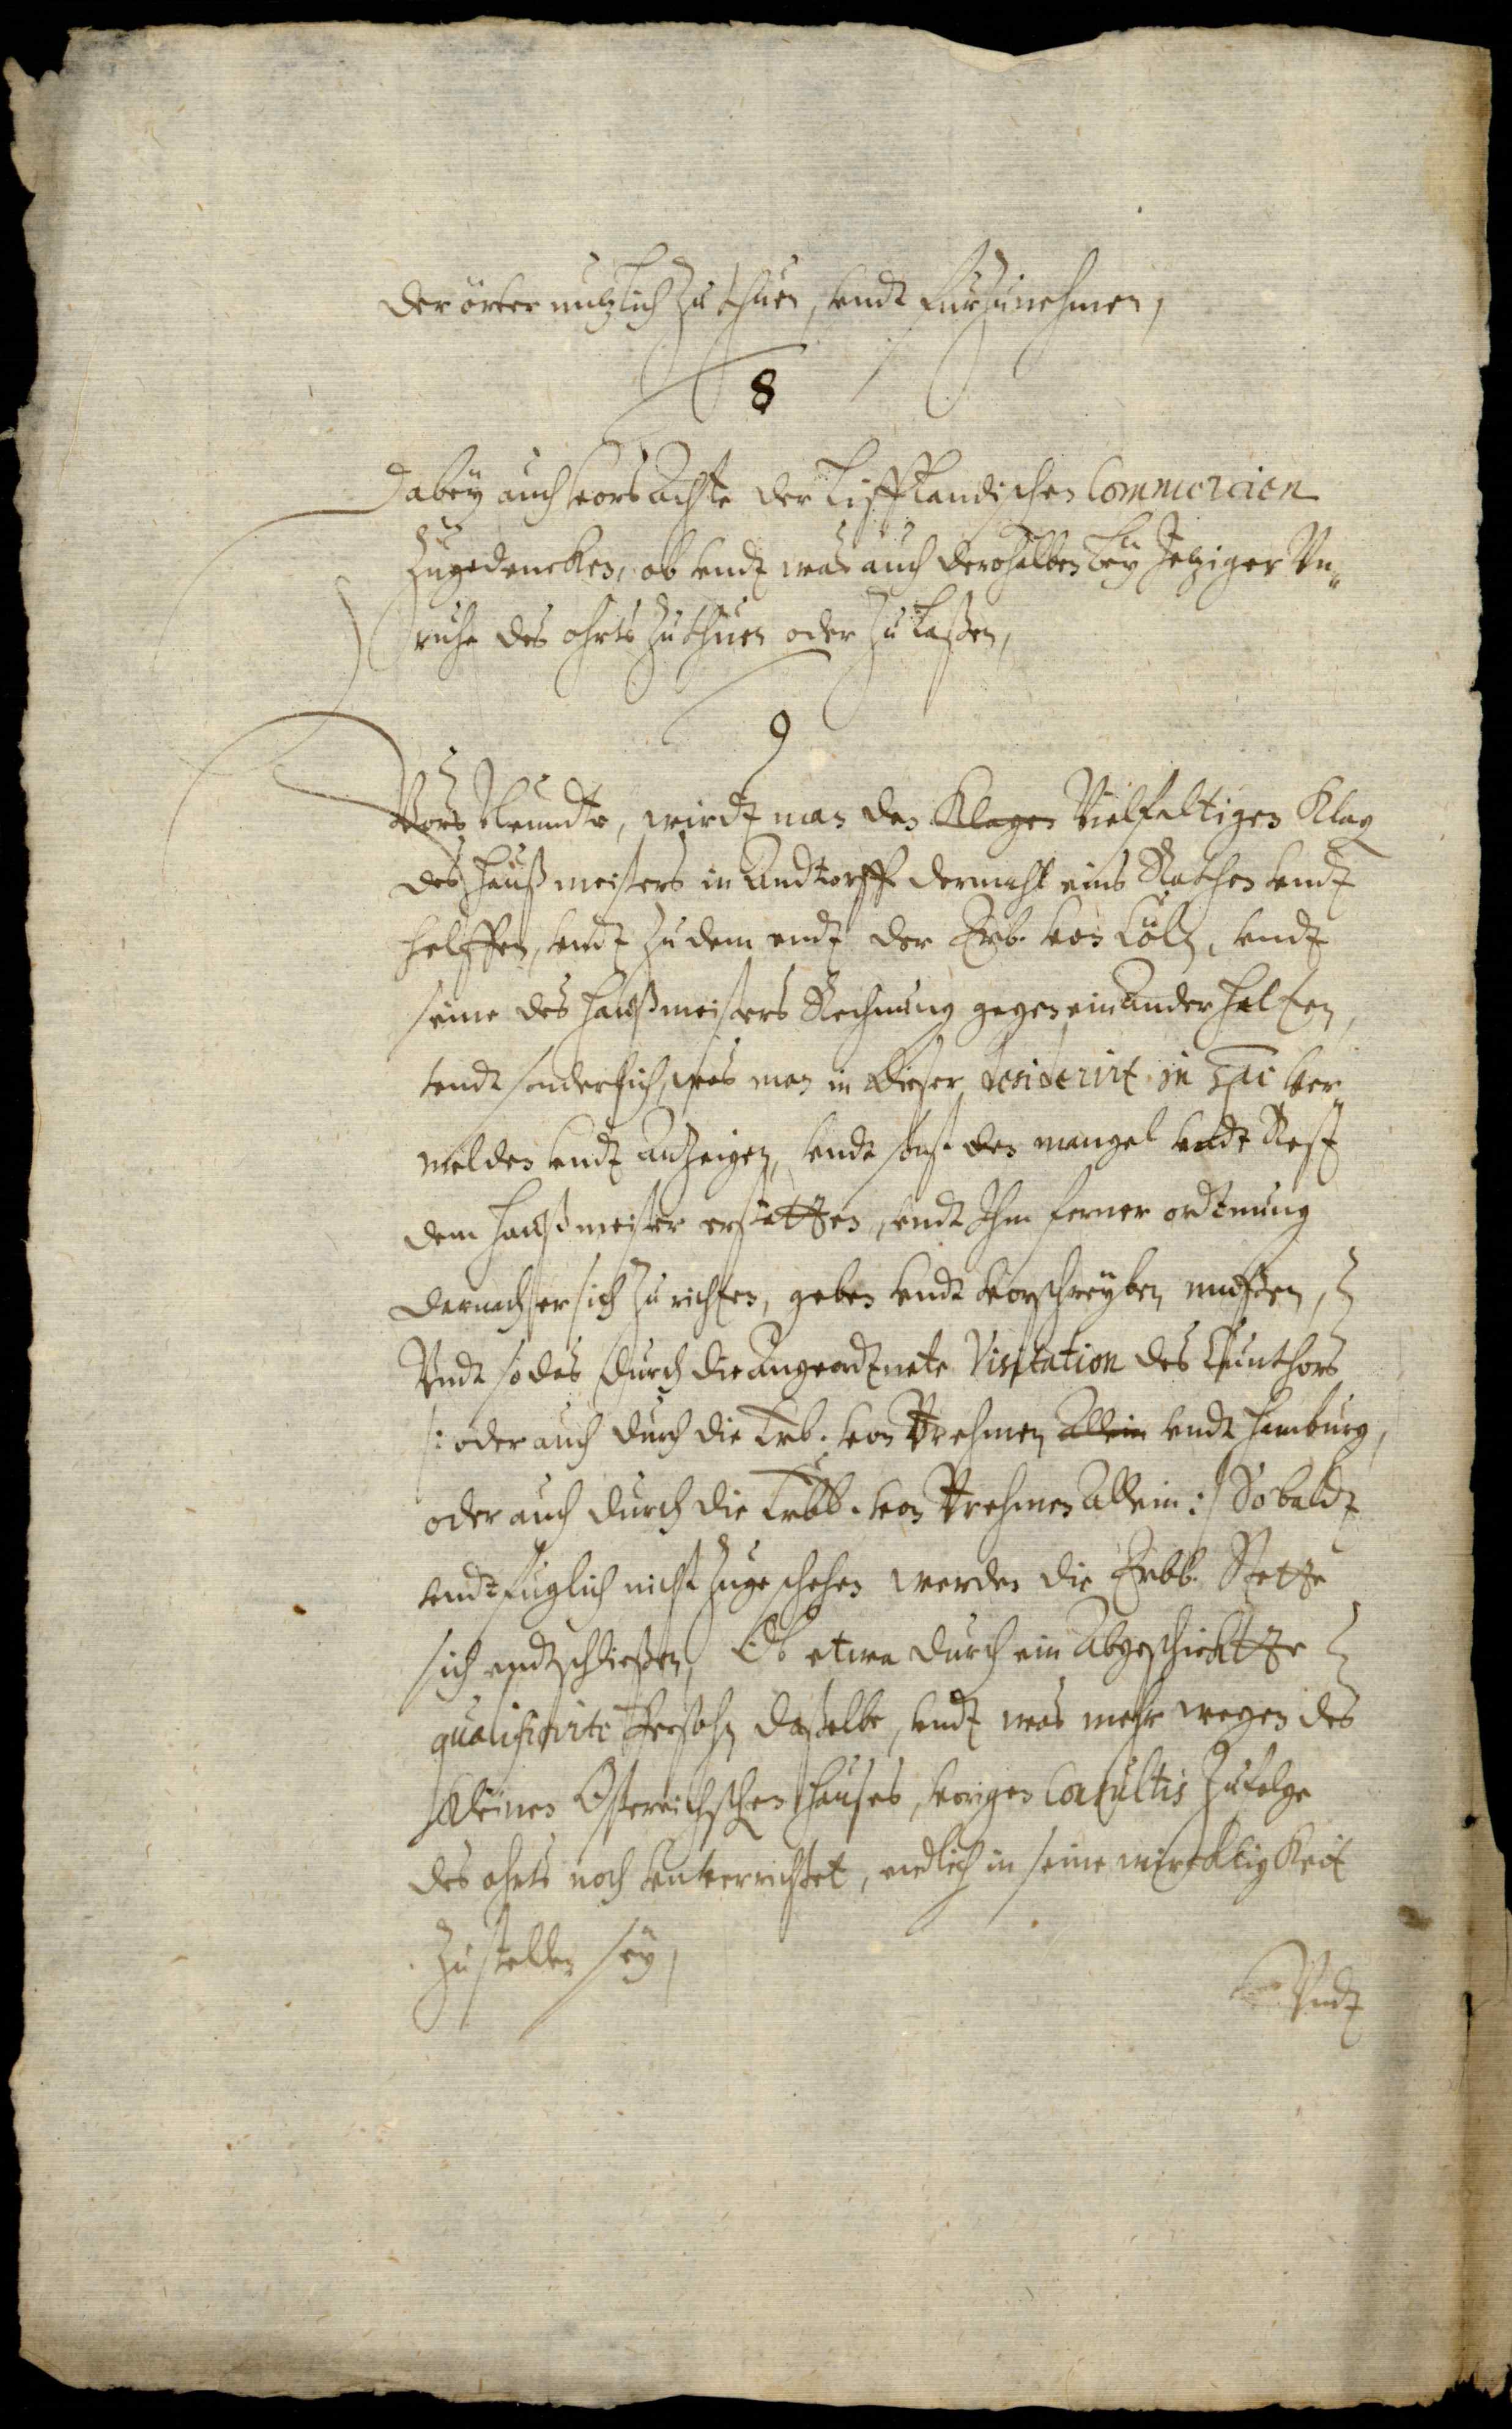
der örter nutzlich zu thuen, vndt furzunehmen,
8
Dabeij auch vors Achte der Lifflandischen Commercien
zugedencken, ob vndt was auch derohalben beij Jetziger Vn¬
ruhe des ohrts zu thuen oder zu laßen,
9
Vors Neundte, wirdt man den Klagen Vielfaltigen Klagen
des hauß meisters in Andtorff dermahl eins Rathen vndt
helffen, vndt zu dem endt der Erb: von Cöln, vndt
seine des haußmeisters Rechnung gegen ein Ander halten,
vndt sonderlich, was man in dieser desiderirt, in specie ver¬
melden vndt Anzeigen, vndt sonst den mangel vndt Rest
dem haußmeister erstatten, vndt Ihm ferner ordtnung
darnach er sich zu richten, geben vndt vorschreijben mußen,
Vndt so das durch die Angeordtnete Visitation des Cunthors
/: oder auch durch die Erb. von Brehmen Allein vndt hamburg,
oder auch durch die Erbb. von Brehmen Allein :/ So baldt
vndt fuglich nicht zugeschehen werden die Erbb: Stette
sich endtschließen, Ob etwa durch ein Abgeschicktte
qualificirte Persohn daßelbe, vndt was mehr wegen des
Kleinen Ostereichschen hauses, vorigen Consultis zufolge
des ohrts noch vnverrichtet, endlich in seine wirckligkeit
zu stellen seij,
Vndt
